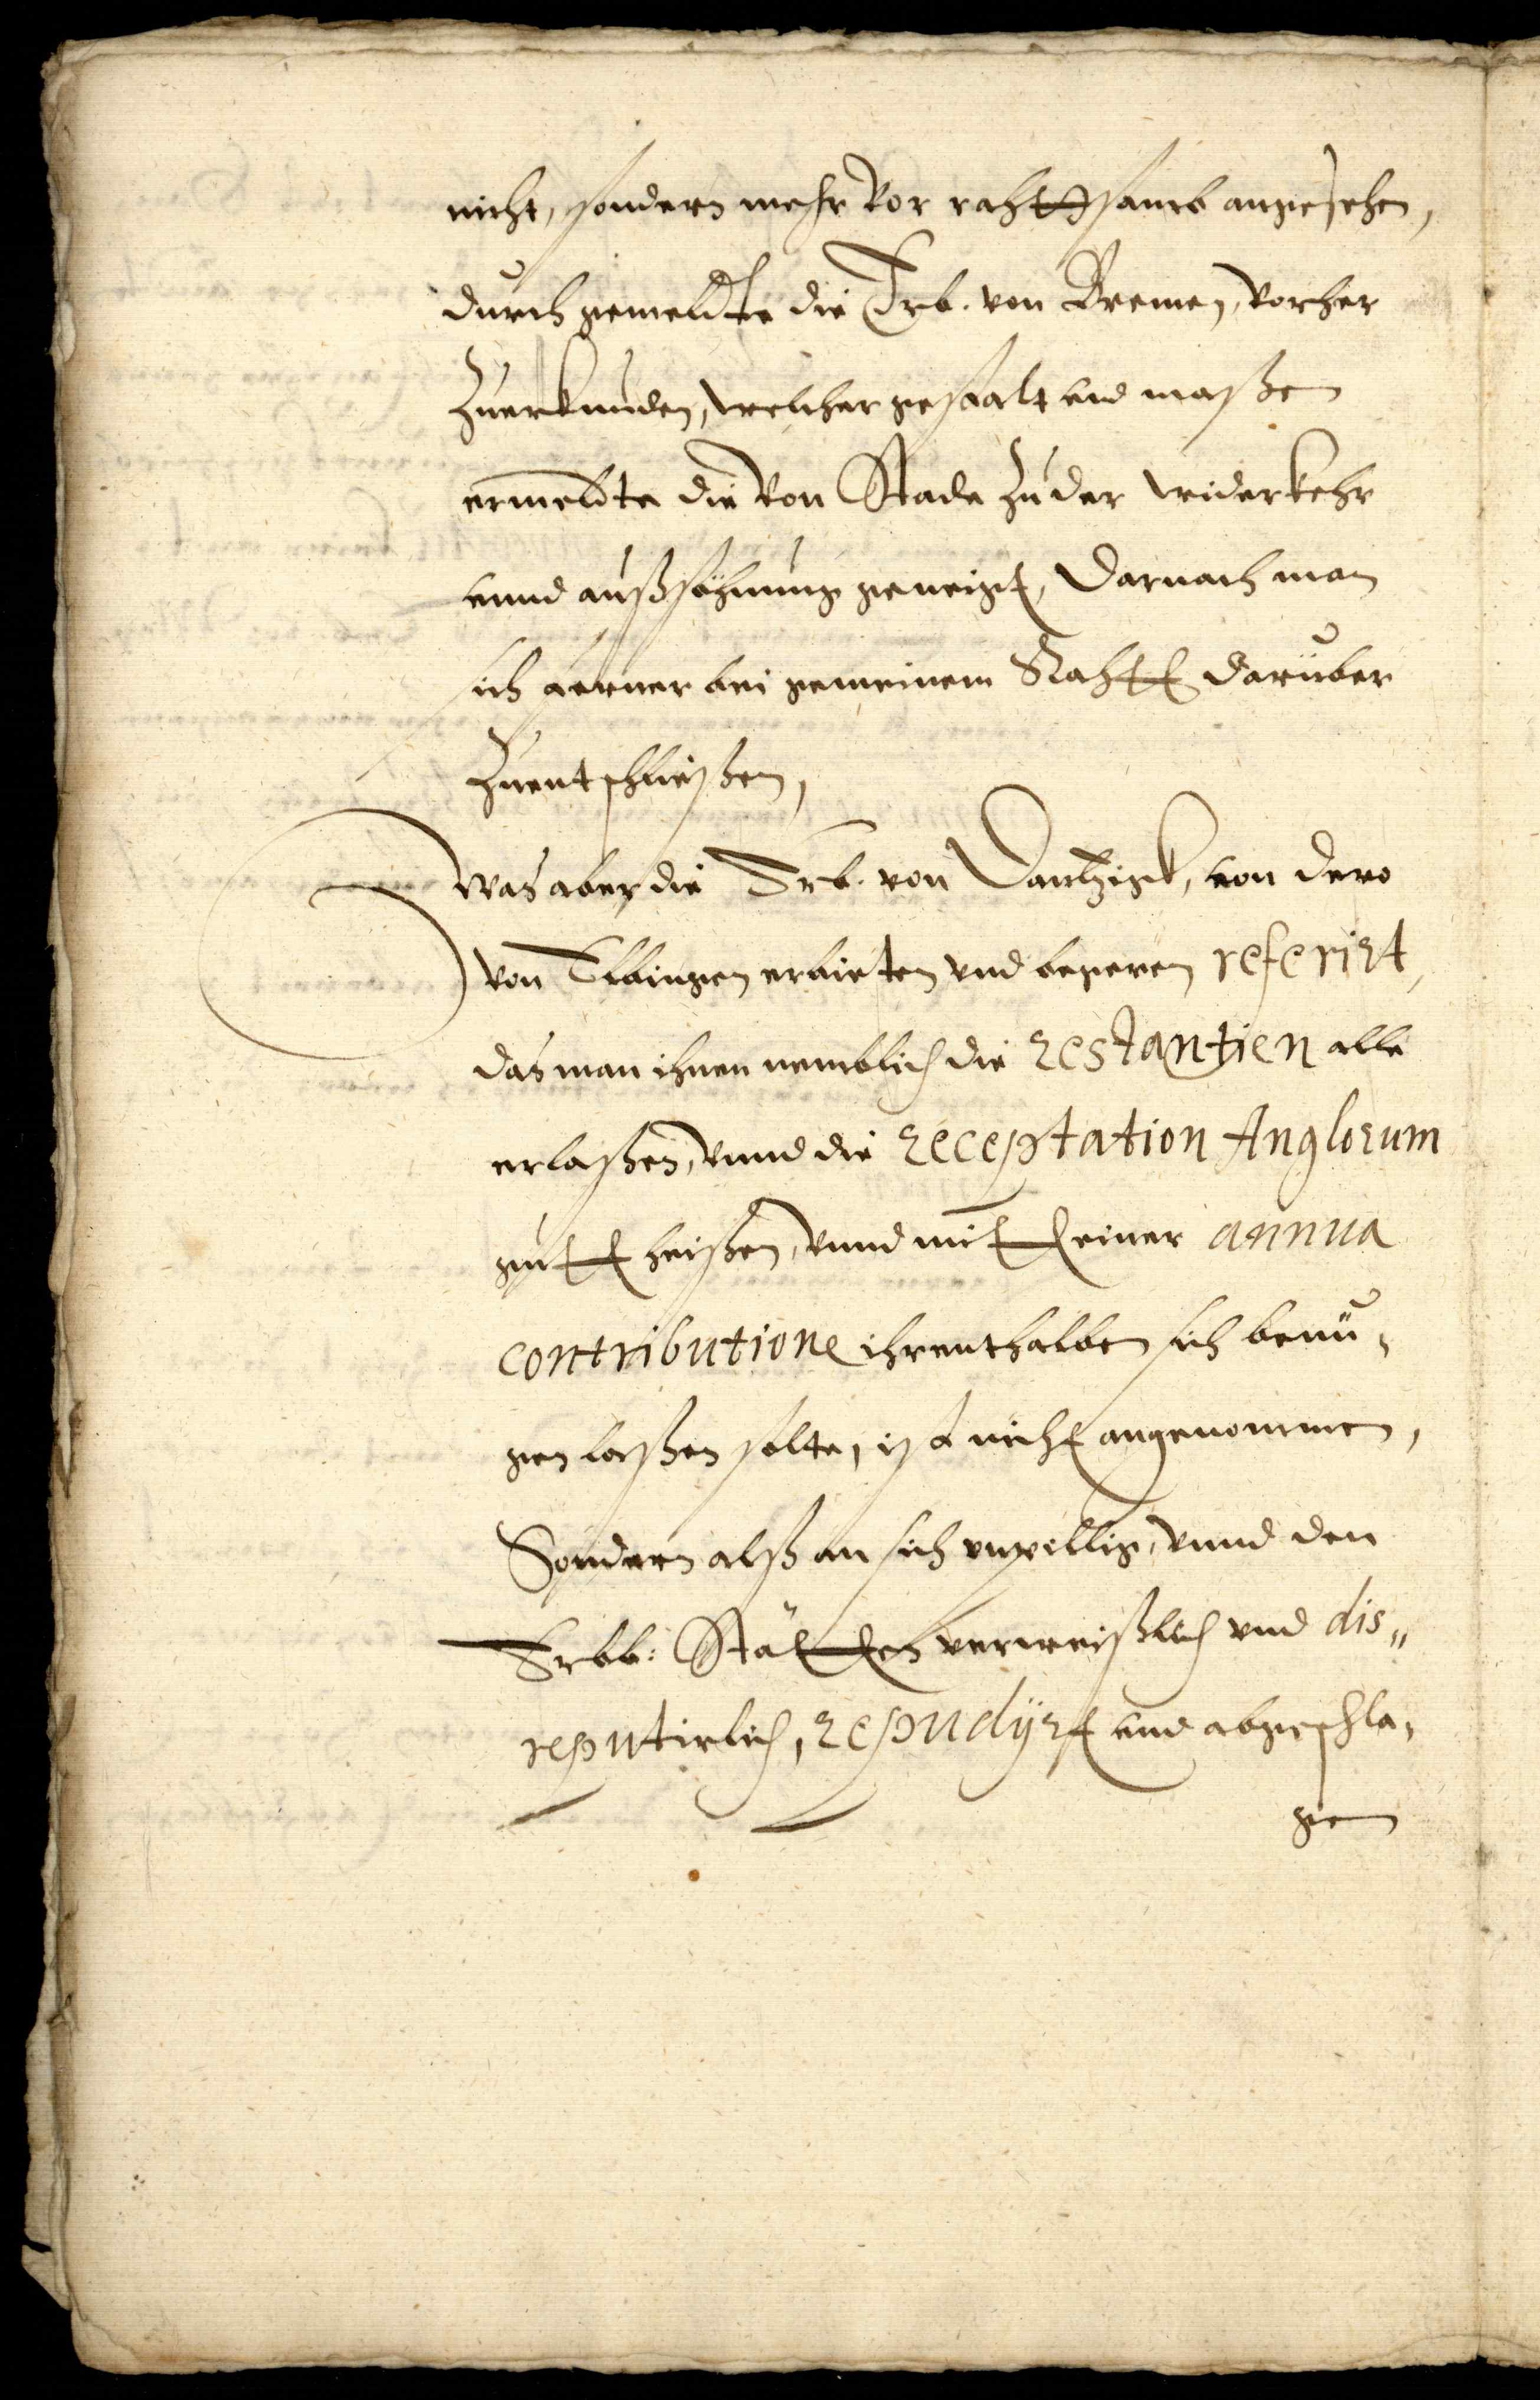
nicht, sondern mehr Vor rahttsamb angesehen,
durch gemeldte die Erb. von Bremen, Vorher
zuerkunden, welcher gestalt vnd maßen
ermeldte die von Stade zu der widerkehr
vnnd außsöhnung geneigt, darnach man
sich ferner bei gemeinem Rahtt darüber
zuentschließen,
Was aber die Erb. von Dantzigk, von dero
von Elbingen erbieten vnd begeren referirt,
das man ihnen nemblich die restantien alle
erlaßen, vnd die receptation Anglorum
gutt heißen, Vnnd mitt einer annua
contributione ihrenthalben sich benü¬
gen laßen solte, ist nicht angenommen,
Sondern alß an sich vnpillig, vnnd den
Erbb: Stätten verweißlich vnd dis¬
reputirlich, repudijrt vmd abgeschla¬
gen
